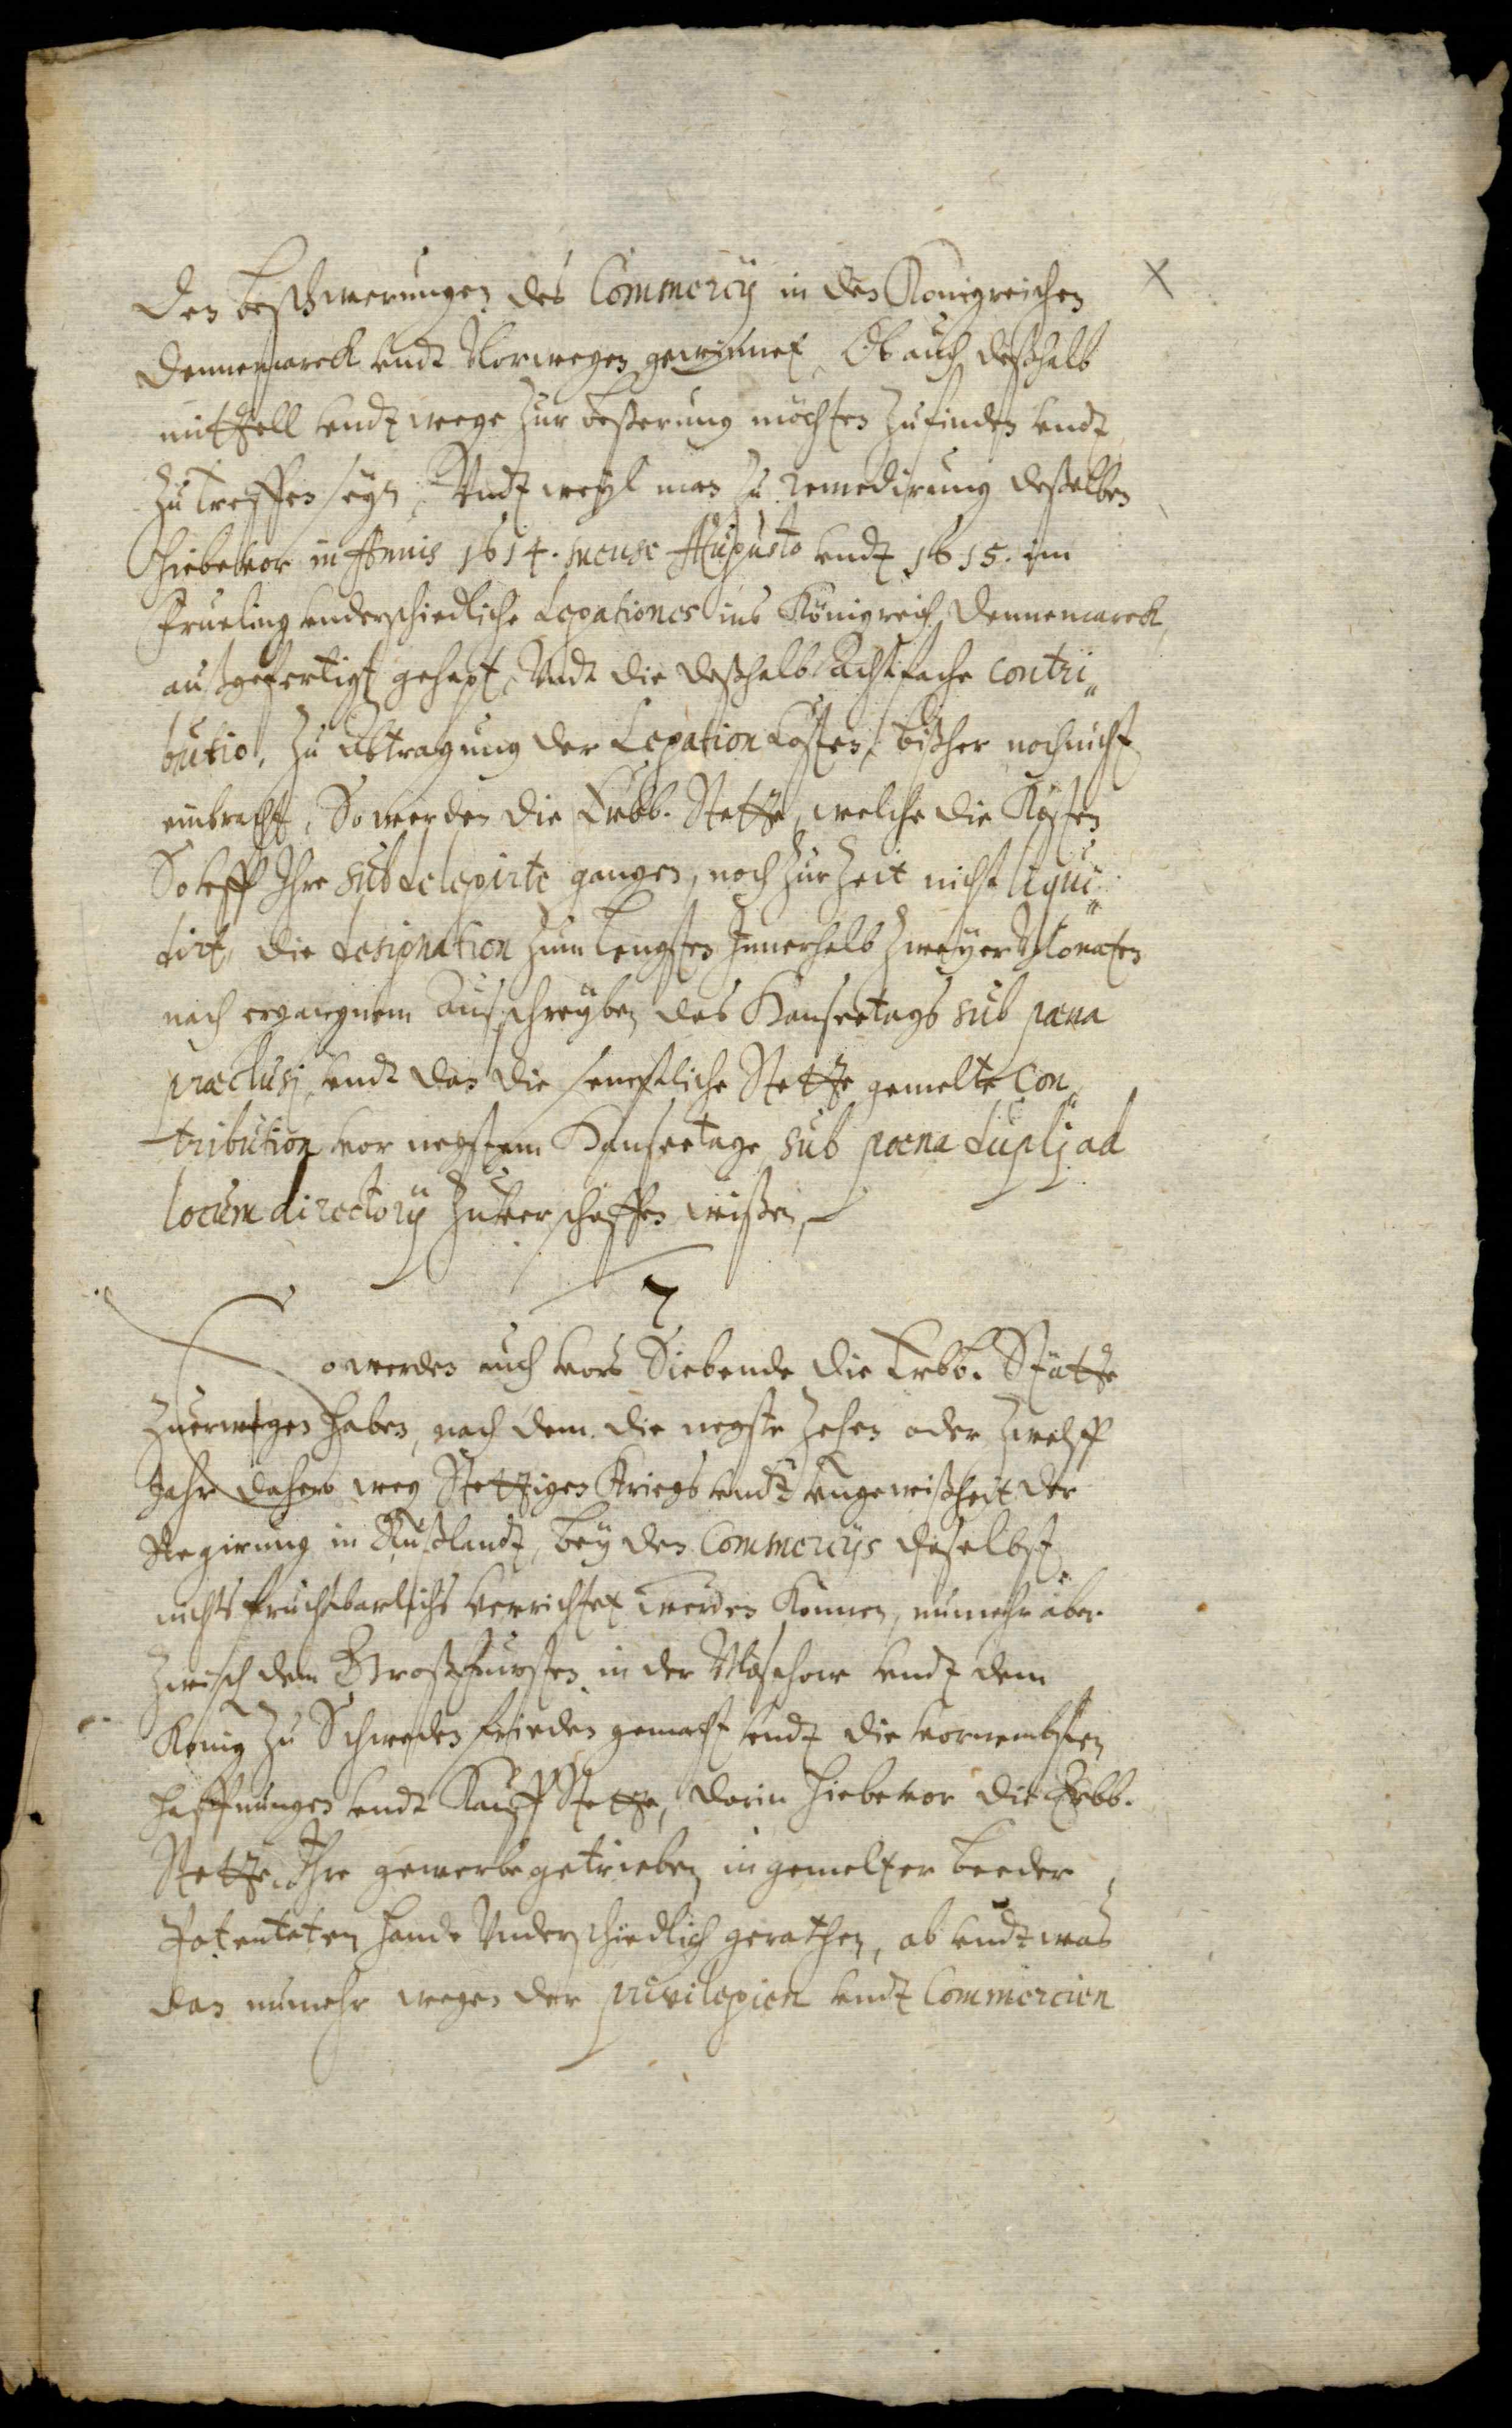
den beschwerungen des Commercij in den Konigreichen
Dennemarck vndt Norwegen gewinnet, Ob auch deßhalb
mittell vndt wege zur beßerung möchten zufinden vndt
zu treffen seijn; Vndt weijl man zu remedirung deßelben
hiebevor in Annis 1614. mense Augusto vndt 1615. im
Frueling vnderschiedliche Legationes ins Königreich Dennemarck
außgefertigt gehapt, Vndt die deßhalb Achtfache contri¬
butio, zu Abtragung der Legation Costen, bißher nochnicht
einbracht, So werden die Erbb. Stette, welche die Kosten
So vff Ihre subdelegirte gangen, noch zur zeit nicht liqui¬
dirt, die designation zum lengsten Innerhalb zweijer Monaten
nach ergagnem Ausshreijben des Hanseetags sub paena
praeclusj, vndt dan die semptliche Stette gemelte Con¬
tribution vor negstem Hanseetage sub poena duplj ad
locum directorij zuverschaffen wißen,
7
So werden auch vors Siebende die Erbb. Stätte
zuerwegen haben, nach dem die negste zehen oder zwelff
Jahr dahero wegen Stettigen Kriegs vndt Ungewißheit der
Regirung in Rußlandt, beij den Commercijs daselbst
nichts fruchtbarlichs verrichtet werden konnen, numehr aber
zwischen dem Großfursten in der Moschow vndt dem
Konig zu Schweden frieden gemacht vndt die vornembsten
hoffnungen vndt KauffStette, darin hiebevor die Erbb.
Stette Ihre gewerbe getrieben, in gemelter beeder
Potentaten hande vnderschiedlich gerathen, ob vndt was
dan numehr wegen der privilegien vndt Commercien
